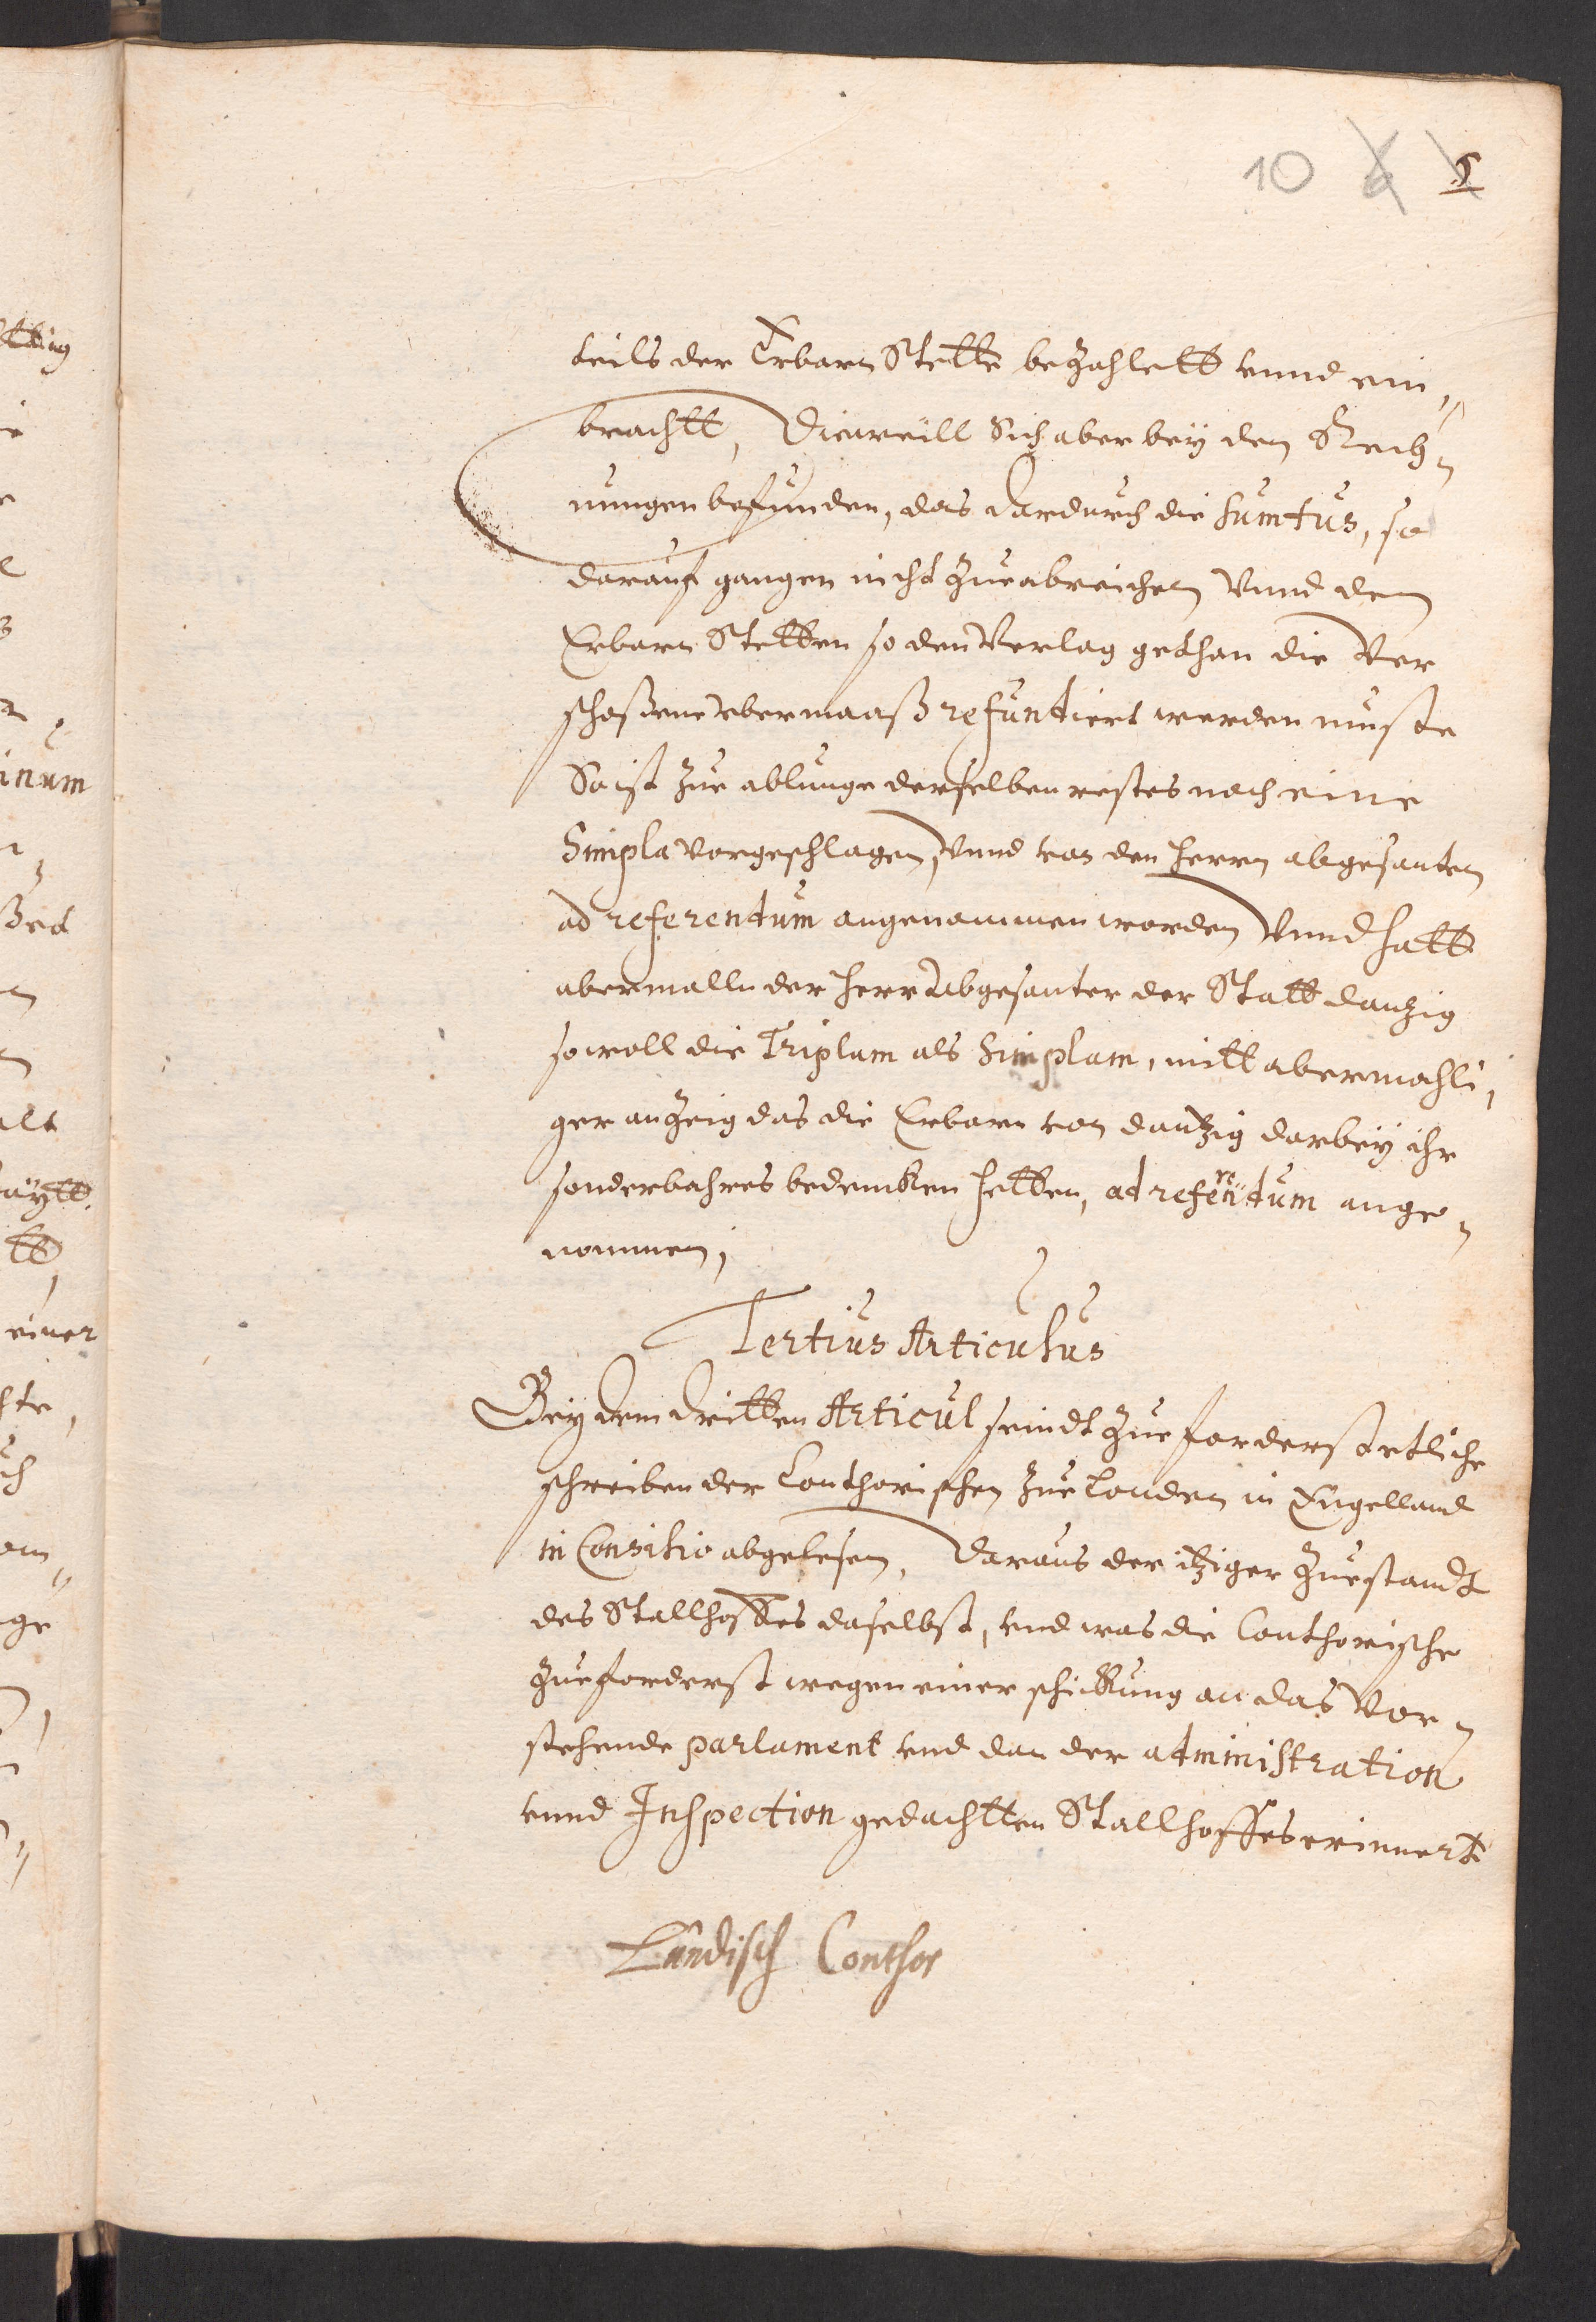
5
teils der Erbarn Stette bezahlett vnnd ein¬
brachtt, Dieweill Sich aber beij den Rech¬
nungen befunden, das dardurch die sumtus, so
darauf gangen nicht zue abreichen vnnd den
Erbarn Stetten so den Verlag gethan die Ver
schloßene vbermaaß refundiert werden muste
So ist zue ablunge derselben restes noch eine
Simpla vorgeschlagen, Vnnd was den herrn abgesanten
ad referendum angenommen worden Vnnd hatt
abermalln der herr Abgesanter der Statt danzig
so woll die Triplum als Simplum, mitt abermahli¬
ger anzeig das die Erbarn von dantzig darbeij ohr
sonderbahres bedencken hatten, ad referendum ange¬
nommen,
Tertius Articulus
Beij dem dritten Articul seindt zue forderst etliche
schreiben der Conthorischen zue Londen in Engelland
in Consilio abgelesen, Daraus der itziger zuestandt
des Stallhoffes daselbst, vnd was die Conthorische
zueforderst wegen einer schickung an das vor¬
stehende parlament vnd dan der administration
vnnd Jnspection gedachtten Stallhoffes erinnert
Lundisch Conthor
